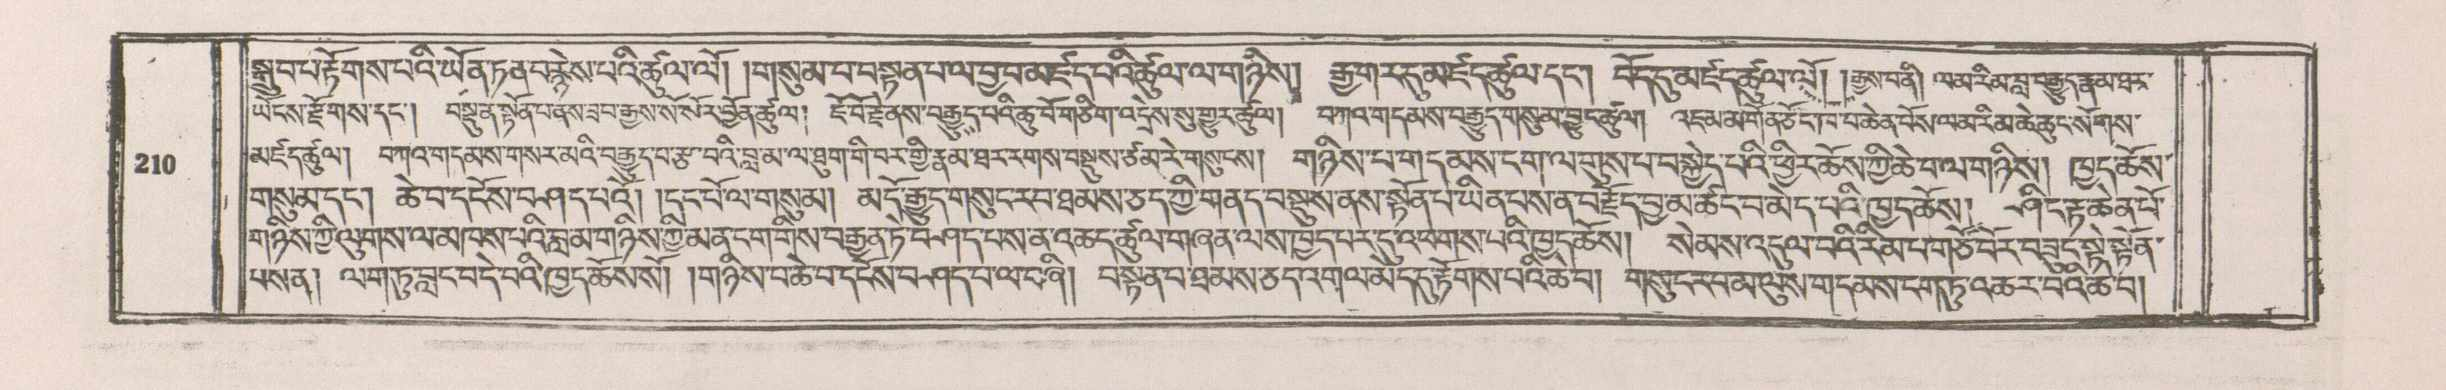སྒྲུབ་པ་རྟོགས་པའི་ཡོན་ཏན་བརྙེས་པའི་ཚུལ་ལོ། །གསུམ་པ་བསྟན་པ་ལ་བྱ་བ་མཛད་པའི་ཚུལ་ལ་གཉིས། རྒྱ་གར་དུ་མཛད་ཚུལ་དང་། བོད་དུ་མཛད་ཚུལ་ལོ། ། རྒྱས་པ་ནི། ལམ་རིམ་བླ་བརྒྱུད་རྣམ་ཐར
ཡོངས་རྫོགས་དང་། བསྡུན་སྟོན་པ་ནས་ཟབ་རྒྱས་སོ་སོར་བྱོན་ཚུལ། ཇོ་བོ་རྗེ་ནས་བརྒྱུད་པའི་ཆུ་བོ་གཅིག་འདྲེས་སུ་གྱུར་ཚུལ། བཀའ་གདམས་བརྒྱུད་གསུམ་བྱུང་ཚུལ། འཇམ་མགོན་ཙོང་ཁ་པ་ཆེན་པོས་ལམ་རིམ་ཆེ་ཆུང་སོགས
མཛད་ཚུལ། བཀའ་གདམས་གསར་མའི་བརྒྱུད་པ་རྩ་བའི་བླ་མ་ལ་ཐུག་གི་བར་གྱི་རྣམ་ཐར་རགས་བསྡུས་ཙམ་རེ་གསུངས།  གཉིས་པ་གདམས་ངག་ལ་གུས་པ་བསྐྱེད་པའི་ཕྱིར་ཆོས་ཀྱི་ཆེ་བ་ལ་གཉིས། ཁྱད་ཆོས་
གསུམ་དང་། ཆེ་བ་དངོས་བཤད་པའོ། །དང་པོ་ལ་གསུམ། མདོ་རྒྱུད་གསུང་རབ་ཐམས་ཅད་ཀྱི་གནད་བསྡུས་ནས་སྟོན་པ་ཡིན་པས་ན་བརྗོད་བྱ་མ་ཚང་བ་མེད་པའི་ཁྱད་ཆོས། ཤིང་རྟ་ཆེན་པོ་
གཉིས་ཀྱི་ལུགས་ལ་མཁས་པའི་བླ་མ་གཉིས་ཀྱི་མན་ངག་གིས་བརྒྱན་ཏེ་བཤད་པས་ན་འཆད་ཚུལ་གཞན་ལས་ཁྱད་པར་དུ་འཕགས་པའི་ཁྱད་ཆོས། སེམས་འདུལ་བའི་རིམ་པ་གཙོ་བོར་བཟུང་སྟེ་སྟོན་
པས་ན། ལག་ཏུ་བླང་བདེ་བའི་ཁྱད་ཆོས་སོ། །གཉིས་པ་ཆེ་བ་དངོས་བཤད་པ་ལ་བཞི། བསྟན་པ་ཐམས་ཅད་འགལ་མེད་དུ་རྟོགས་པའི་ཆེ་བ། གསུང་རབ་མ་ལུས་གདམས་ངག་ཏུ་འཆར་བའི་ཆེ་བ།